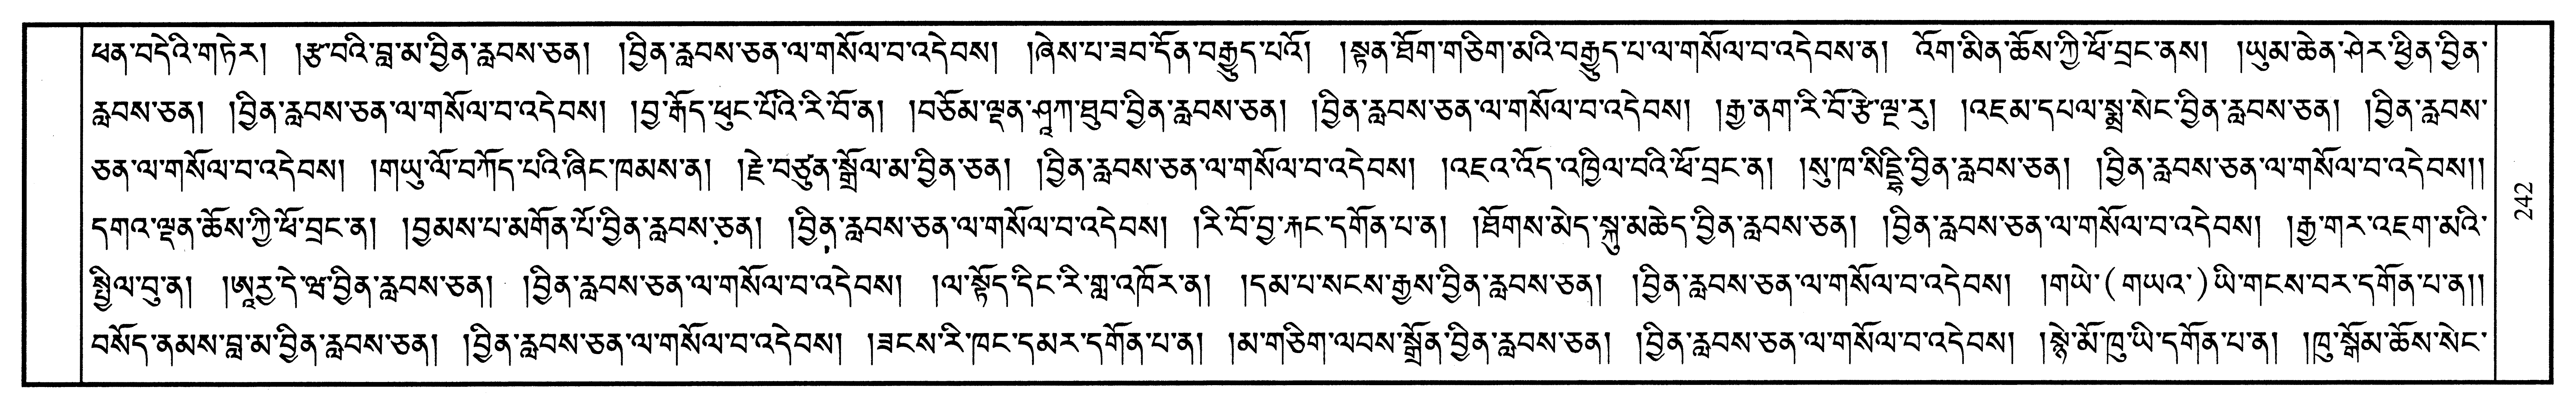ཕན་བདེའི་གཏེར། །རྩ་བའི་བླ་མ་བྱིན་རླབས་ཅན། །བྱིན་རླབས་ཅན་ལ་གསོལ་བ་འདེབས། །ཞེས་པ་ཟབ་དོན་བརྒྱུད་པའོ། །སྟན་ཐོག་གཅིག་མའི་བརྒྱུད་པ་ལ་གསོལ་བ་འདེབས་ན། འོག་མིན་ཆོས་ཀྱི་ཕོ་བྲང་ནས། །ཡུམ་ཆེན་ཤེར་ཕྱིན་བྱིན་
རླབས་ཅན། །བྱིན་རླབས་ཅན་ལ་གསོལ་བ་འདེབས། །བྱ་རྒོད་ཕུང་པོའི་རི་བོ་ན། །བཅོམ་ལྡན་ཤཱཀ་ཐུབ་བྱིན་རླབས་ཅན། །བྱིན་རླབས་ཅན་ལ་གསོལ་བ་འདེབས། །རྒྱ་ནག་རི་བོ་རྩེ་ལྔ་རུ། །འཇམ་དཔལ་སྨྲ་སེང་བྱིན་རླབས་ཅན། །བྱིན་རླབས་
ཅན་ལ་གསོལ་བ་འདེབས། །གཡུ་ལོ་བཀོད་པའི་ཞིང་ཁམས་ན། །རྗེ་བཙུན་སྒྲོལ་མ་བྱིན་ཅན། །བྱིན་རླབས་ཅན་ལ་གསོལ་བ་འདེབས། །འཇའ་འོད་འཁྱིལ་བའི་ཕོ་བྲང་ན། །སུ་ཁ་སིདྡྷི་བྱིན་རླབས་ཅན། །བྱིན་རླབས་ཅན་ལ་གསོལ་བ་འདེབས།།
དགའ་ལྡན་ཆོས་ཀྱི་ཕོ་བྲང་ན། །བྱམས་པ་མགོན་པོ་བྱིན་རླབས་ཅན། །བྱིན་རླབས་ཅན་ལ་གསོལ་བ་འདེབས། །རི་བོ་བྱ་རྐང་དགོན་པ་ན། །ཐོགས་མེད་སྐུ་མཆེད་བྱིན་རླབས་ཅན། །བྱིན་རླབས་ཅན་ལ་གསོལ་བ་འདེབས། །རྒྱ་གར་འཇག་མའི་
སྤྱིལ་བུ་ན། །ཨཱརྱ་དེ་ཝ་བྱིན་རླབས་ཅན། །བྱིན་རླབས་ཅན་ལ་གསོལ་བ་འདེབས། །ལ་སྟོད་དིང་རི་གླ་འཁོར་ན། །དམ་པ་སངས་རྒྱས་བྱིན་རླབས་ཅན། །བྱིན་རླབས་ཅན་ལ་གསོལ་བ་འདེབས། །གཡེ་གཡའ་ཡི་གངས་བར་དགོན་པ་ན།།
བསོད་ནམས་བླ་མ་བྱིན་རླབས་ཅན། །བྱིན་རླབས་ཅན་ལ་གསོལ་བ་འདེབས། །ཟངས་རི་ཁང་དམར་དགོན་པ་ན། །མ་གཅིག་ལབས་སྒྲོན་བྱིན་རླབས་ཅན། །བྱིན་རླབས་ཅན་ལ་གསོལ་བ་འདེབས། །སྙེ་མོ་ཁུ་ཡི་དགོན་པ་ན། །ཁུ་སྒོམ་ཆོས་སེང་